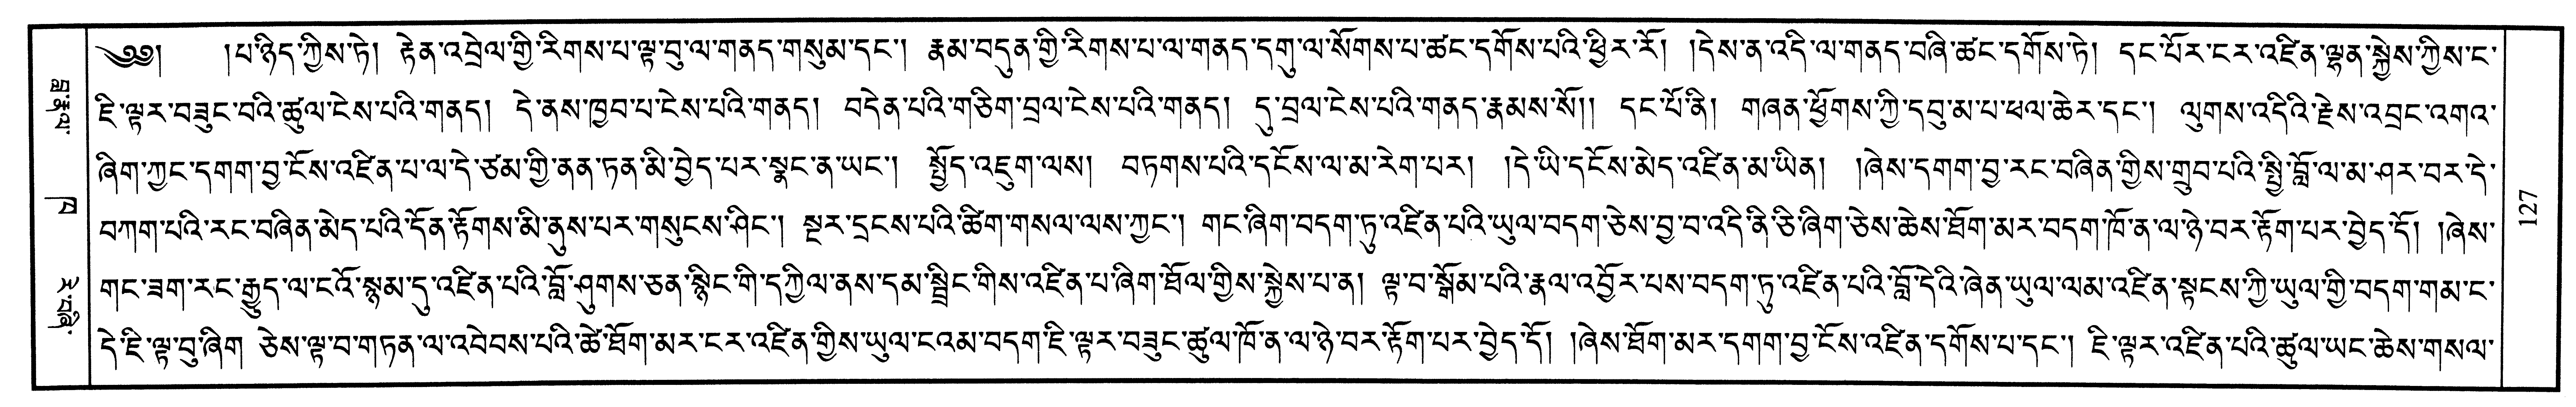༄༅། །པ་ཉིད་ཀྱིས་ཏེ། རྟེན་འབྲེལ་གྱི་རིགས་པ་ལྟ་བུ་ལ་གནད་གསུམ་དང་། རྣམ་བདུན་གྱི་རིགས་པ་ལ་གནད་དགུ་ལ་སོགས་པ་ཚང་དགོས་པའི་ཕྱིར་རོ། །དེས་ན་འདི་ལ་གནད་བཞི་ཚང་དགོས་ཏེ། དང་པོར་ངར་འཛིན་ལྷན་སྐྱེས་ཀྱིས་ང་
ཇི་ལྟར་བཟུང་བའི་ཚུལ་ངེས་པའི་གནད། དེ་ནས་ཁྱབ་པ་ངེས་པའི་གནད། བདེན་པའི་གཅིག་བྲལ་ངེས་པའི་གནད། དུ་བྲལ་ངེས་པའི་གནད་རྣམས་སོ།། དང་པོ་ནི། གཞན་ཕྱོགས་ཀྱི་དབུ་མ་པ་ལ་ཕལ་ཆེར་དང་། ལུགས་འདིའི་རྗེས་འབྲང་འགའ་
ཞིག་ཀྱང་དགག་བྱ་ངོས་འཛིན་པ་ལ་དེ་ཙམ་གྱི་ནན་ཏན་མི་བྱེད་པར་སྣང་ན་ཡང་། སྤྱོད་འཇུག་ལས། བཏགས་པའི་དངོས་ལ་མ་རེག་པར། །དེ་ཡི་དངོས་མེད་འཛིན་མ་ཡིན། །ཞེས་དགག་བྱ་རང་བཞིན་གྱིས་གྲུབ་པའི་སྤྱི་བློ་ལ་མ་ཤར་བར་དེ་
བཀག་པའི་རང་བཞིན་མེད་པའི་དོན་རྟོགས་མི་ནུས་པར་གསུངས་ཤིང་། སྔར་དྲངས་པའི་ཚིག་གསལ་ལས་ཀྱང་། གང་ཞིག་བདག་ཏུ་འཛིན་པའི་ཡུལ་བདག་ཅེས་བྱ་བ་འདི་ནི་ཅི་ཞིག་ཅེས་ཆེས་ཐོག་མར་བདག་ཁོ་ན་ལ་ཉེ་བར་རྟོག་པར་བྱེད་དོ། །ཞེས་
གང་ཟག་རང་རྒྱུད་ལ་ངའོ་སྙམ་དུ་འཛིན་པའི་བློ་ཤུགས་ཅན་སྙིང་གི་དཀྱིལ་ནས་དམ་སྦྲིང་གིས་འཛིན་པ་ཞིག་ཐོལ་གྱིས་སྐྱེས་པ་ན། ལྟ་བ་སྒོམ་པའི་རྣལ་འབྱོར་པས་བདག་ཏུ་འཛིན་པའི་བློ་དེའི་ཞེན་ཡུལ་ལམ་འཛིན་སྟངས་ཀྱི་ཡུལ་གྱི་བདག་གམ་ང་
དེ་ཇི་ལྟ་བུ་ཞིག་ཅེས་ལྟ་བ་གཏན་ལ་འབེབས་པའི་ཚེ་ཐོག་མར་ངར་འཛིན་གྱིས་ཡུལ་ངའམ་བདག་ཇི་ལྟར་བཟུང་ཚུལ་ཁོ་ན་ལ་ཉེ་བར་རྟོག་པར་བྱེད་དོ། །ཞེས་ཐོག་མར་དགག་བྱ་ངོས་འཛིན་དགོས་པ་དང་། ཇི་ལྟར་འཛིན་པའི་ཚུལ་ཡང་ཆེས་གསལ་